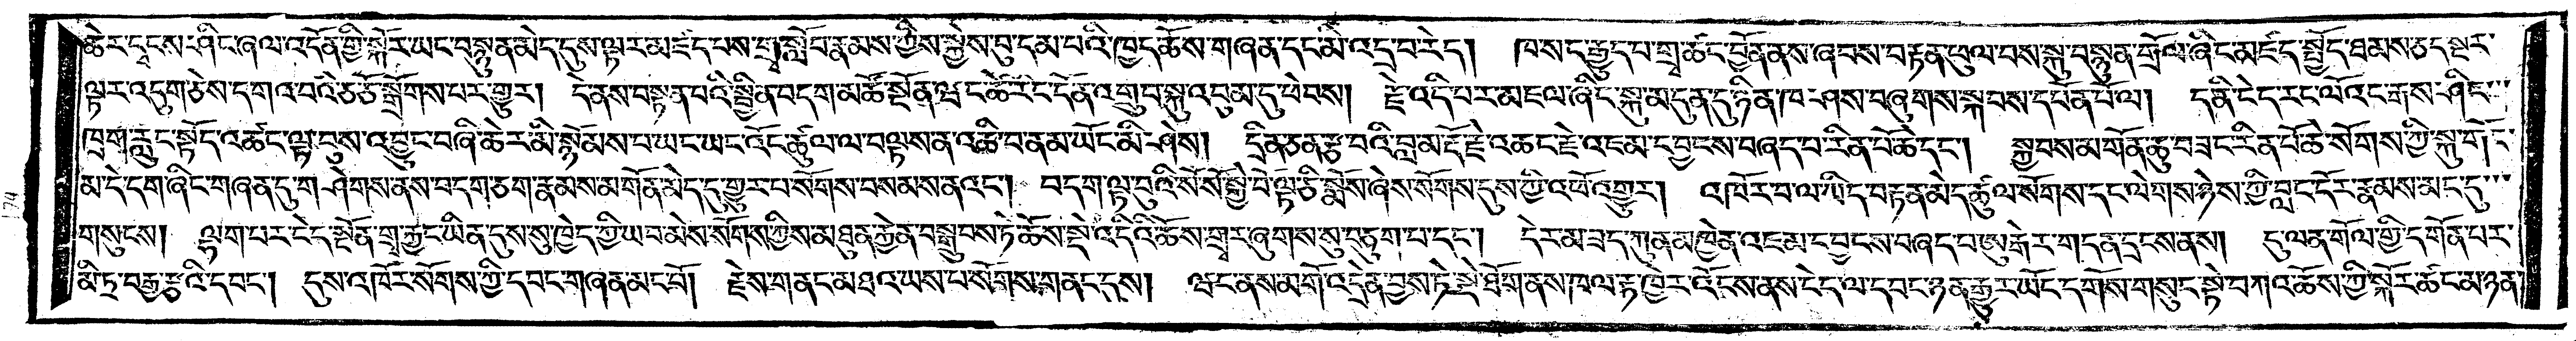ཆེར་དྭངས་ཤིང་ཞལ་འདོན་གྱི་སྐོར་ཡང་བསྙུན་མེད་དུས་ལྟར་མཛད་པས་གྲྭ་སློབ་རྣམས་ཀྱིས་སྐྱེས་བུ་དམ་པའི་ཁྱད་ཆོས་གཞན་དང་མི་འདྲ་བ་རེད། ཁ་སང་རྒྱུད་པ་གྲྭ་ཚང་བྱོན་ནས་ཞབས་བརྟན་ཕུལ་བས་སྐུ་བསྙུན་གྲོལ་ཞིང་མཛད་སྤྱོད་ཐམས་ཅད་སྔར་
ལྟར་འདུག་ཅེས་དགའ་བའི་ཅ་ཅོ་སྒྲོགས་པར་གྱུར། དེ་ནས་བསྟན་བའི་སྦྱིན་བདག་མཚོ་སྔོན་ཝང་ཚེ་རིང་དོན་འགྲུབ་སྐུ་འབུམ་དུ་ཕེབས། རྗེ་འདི་བར་མཇལ་ཞིང་སྐུ་མདུན་དུ་ཉིན་ཁ་ཤས་བཞུགས་སྐབས་དཔོན་པོ་ལ། ད་ནི་ངེད་རང་ལོའང་རྒས་ཤིང་
ཁྲག་རླུང་སྟོད་འཚང་ལྟ་བུས་འབྱུང་བཞི་ཆེར་མི་སྙོམས་པ་ཡང་ཡང་འོང་ཚུལ་ལ་བལྟས་ན་འཆི་བ་ནས་ནམ་ཡོང་མི་ཤེས། དྲིན་ཅན་རྩ་བའི་བླ་མ་རྡོ་རྗེ་འཆང་རྗེ་འཇམ་དབྱངས་བཞད་པ་རིན་པོ་ཆེ་དང་། སྐྱབས་མགོན་ཆུ་བཟང་རིན་པོ་ཆེ་སོགས་ཀྱི་སྐུ་གོང་
མ་དེ་དག་ཞིང་གཞན་དུ་གཤེགས་ནས་བདག་ཅག་རྣམས་མགོན་མེད་དུ་གྱུར་བ་སོགས་བསམས་ནའང་། བདག་ལྟ་བུའི་སོ་སོ་སྐྱེ་བོ་ལྟ་ཅི་སྨོས་ཞེས་སོགས་དུས་ཀྱི་འཕོ་འགྱུར། འཁོར་བ་ལ་ཡིད་བརྟན་མེད་ཚུལ་སོགས་དང་ལེགས་ཉེས་ཀྱི་བླང་དོར་རྣམས་མང་དུ་
གསུངས། ལྷག་པར་ངེད་སྔོན་གྲྭ་རྐྱང་ཡིན་དུས་སུ་ཁྱེད་ཀྱིས་ཡབ་མེས་སོགས་ཀྱིས་མཐུན་རྐྱེན་བསྒྲུབས་ཏེ་ཆོས་སྡེ་འདིའི་ཆོས་གྲྭར་ཞུགས་སུ་བཅུག་པ་དང་། དེར་མ་ཟད་ཀུན་མཁྱེན་འཇམ་དབྱངས་བཞད་པ་ཨུརྒེར་གདན་དྲངས་ནས། དུ་ལན་གོལ་གྱི་དགོན་བར་
མི་ཏྲ་བརྒྱ་རྩའི་དབང་། དུས་འཁོར་སོགས་ཀྱི་དབང་གཞན་མང་པོ། རྗེས་གནང་མཐའ་ཡས་པ་སོགས་གནང་དུས། ཝང་ནས་མགོ་འདྲེན་བྱས་ཏེ་སྡེ་ཐོག་ནས་ཁལ་རྟ་ཁྱེར་འོངས་ནས་ངེད་ལ་དབང་ཉན་རྒྱུར་ཡོང་དགོས་གསུང་སྟེ་བཀའ་ཆོས་ཀྱི་སྐོར་ཚང་མཉན་